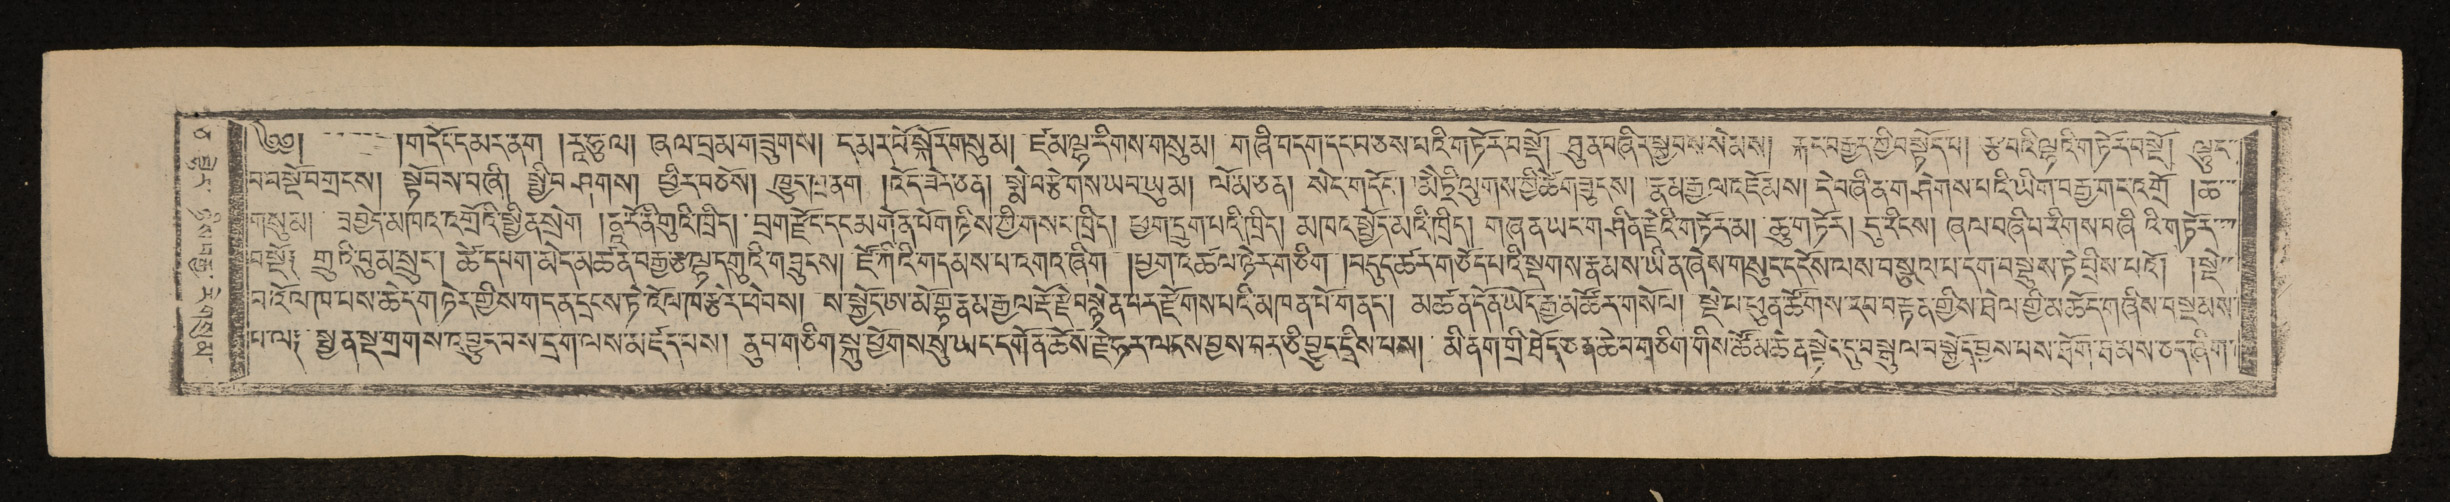༄༅། །གདོང་དམར་ནག །རཱ་ཧུལ། ཞལ་བྲམ་གཟུགས། དམར་པོ་སྐོར་གསུམ། ཛམ་ལྷ་རིགས་གསུམ། གཞི་བདག་དང་བཅས་པའི་གཏོར་བསྔོ། ཐུན་བཞིར་སྐྱབས་སེམས། རྐང་བརྒྱད་ཀྱི་བསྟོད་པ། རྩ་བའི་ལྷའི་གཏོར་བསྔོ། ལྟུང་
བ་བསྔོ་བ་གྲངས། སྟོབས་བཞི། སྤྱི་བཤགས། ཕྱིར་བཅོས། ཁྱུང་ཁྲ་ནག །འོད་ཟེར་ཅན། སྨེ་བརྩེགས་ཡབ་ཡུམ། ལོ་མ་ཅན། སེང་གདོང་། མཻ་ཏྲི་ལུགས་ཀྱི་ཚེ་གཟུངས། རྣམ་རྒྱལ་འཇོམས། དེ་བཞིན་གཤེགས་པའི་ཡིག་བརྒྱ་གང་འགྲོ་།ཆ་
གསུམ། ཟ་བྱེད་མཁའ་འགྲོའི་སྦྱིན་སྲེག །ནཱ་རོ་ནི་གུའི་ཁྲིད། བྲག་རྫོང་དང་མགོན་པོ་གཉིས་ཀྱི་གསང་ཁྲིད། ཕྱག་དྲུག་པའི་ཁྲིད། མཁའ་སྤྱོད་མའི་ཁྲིད། གཞན་ཡང་གཤིན་རྗེའི་གཏོར་མ། ཆུ་གཏོར། དུ་རིངས། ཞལ་བཞི་པ་རིགས་བཞིའི་གཏོར་
བསྔོ༑ གྲུའི་བུམ་སྲུང་། ཚེ་དཔག་མེད་མཚན་བརྒྱ་རྩ་ལྷ་དགུའི་གཟུངས། ཛོ་ཀིའི་གདམས་པ་འགའ་ཞིག །ཕྱག་འཚལ་ཉེར་གཅིག །བདུད་ཚར་གཅོད་པའི་སྔགས་རྣམས་ཡིན་ཞེས་གསུང་དངོས་ལས་བསྩལ་པ་དག་བསྡུས་ཏེ་བྲིས་པའོ། །སྡེ་
པ་འོལ་ཁ་བས་ཆེད་གཉེར་གྱིས་གདན་དྲངས་ཏེ་འོལ་ཁ་རྩེར་ཕེབས། ས་སྐྱོང་ཨ་མོ་གྷ་རྣམ་རྒྱལ་རྡོ་རྗེ་བསྙེན་པར་རྫོགས་པའི་མཁན་པོ་གནང་། མཚན་དོན་ཡོད་རྒྱ་མཚོར་གསོལ། སྡེ་པ་ཕུན་ཚོགས་རབ་བརྟན་གྱིས་ཐེལ་གྱི་མཆོད་གཞིས་བསྡམས་
པ་ལ༑ སྤྱན་སྔ་གྲགས་འབྱུང་བས་དྲག་ལས་མཛད་པས། ནུབ་གཅིག་སྐུ་ཕྱོགས་སུ་ཡང་དགོན་ཆོས་རྗེ་ཧར་ལངས་བྱས་པར་ཅི་བྱུང་དྲིས་པས། མི་ནག་གྲི་ཐོད་ཅན་ཆེ་བ་གཅིག་གིས་ཚོམ་ཆེན་སྟེང་དུ་བསྒུལ་བསྐྱོད་བྱས་པས་ཐོག་ཐམས་ཅད་ཞིག་